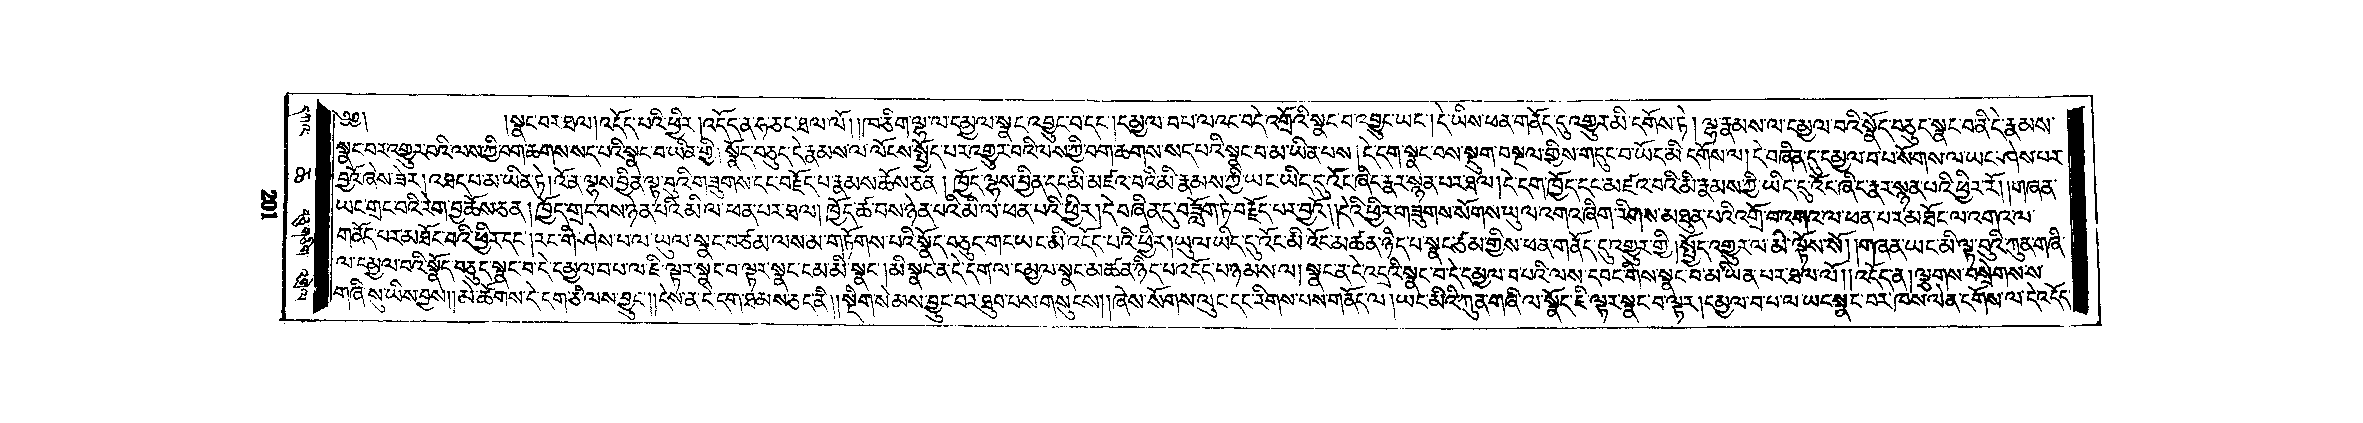༄༅། །སྣང་བར་ཐལ། འདོད་པའི་ཕྱིར། འདོད་ན་ཧ་ཅང་ཐལ་ལོ། །ཁ་ཅིག་ལྷ་ལ་དམྱལ་སྣང་འབྱུང་བ་དང་། དམྱལ་བ་པ་ལའང་བདེ་འགྲོའི་སྣང་བ་འབྱུང་ཡང་། དེ་ཡིས་ཕན་གནོད་དུ་འགྱུར་མི་དགོས་ཏེ། ལྷ་རྣམས་ལ་དམྱལ་བའི་སྣོད་བཅུད་སྣང་བ་ནི་དེ་རྣམས་
སྣང་བར་འགྱུར་བའི་ལས་ཀྱི་བག་ཆགས་སད་པའི་སྣང་བ་ཡིན་གྱི། སྣོད་བཅུད་དེ་རྣམས་ལ་ལོངས་སྤྱོད་པར་འགྱུར་བའི་ལས་ཀྱི་བག་ཆགས་སད་པའི་སྣང་བ་མ་ཡིན་པས། དེ་དག་སྣང་བས་སྡུག་བསྔལ་གྱིས་གདུང་བ་ཡོད་མི་དགོས་ལ། དེ་བཞིན་དུ་དམྱལ་བ་པ་སོགས་ལ་ཡང་ཤེས་པར་
བྱའོ་ཞེས་ཟེར། འཐད་པ་མ་ཡིན་ཏེ། འོ་ན་ལྷས་བྱིན་ལྟ་བུའི་གཟུགས་དང་བརྗོད་པ་རྣམས་ཆོས་ཅན། ཁྱོད་ལྷས་བྱིན་དང་མི་མཛའ་བའི་མི་རྣམས་ཀྱི་ཡང་ཡིད་དུ་འོང་ཞིང་རྣར་སྙན་པར་ཐལ། དེ་དག་ཁྱོད་དང་མཛའ་བའི་མི་རྣམས་ཀྱི་ཡིད་དུ་འོང་ཞིང་རྣར་སྙན་པའི་ཕྱིར་རོ། །གཞན་
ཡང་གྲང་བའི་རེག་བྱ་ཆོས་ཅན། ཁྱོད་གྲང་བས་ཉེན་པའི་མི་ལ་ཕན་པར་ཐལ། ཁྱོད་ཚ་བས་ཉེན་པའི་མི་ལ་ཕན་པའི་ཕྱིར། དེ་བཞིན་དུ་བཟློག་ཏེ་བརྗོད་པར་བྱའོ། །དེའི་ཕྱིར་གཟུགས་སོགས་ཡུལ་འགའ་ཞིག་རིགས་མཐུན་པའི་འགྲོ་བ་འགའ་ལ་ཕན་པར་མཐོང་ལ་འགའ་ལ་
གནོད་པར་མཐོང་བའི་ཕྱིར་དང་། རང་གི་ཤེས་པ་ལ་ཡུལ་སྣང་བཙམ་ལས་མ་གཏོགས་པའི་སྣོད་བཅུད་གང་ཡང་མི་འདོད་པའི་ཕྱིར། ཡུལ་ཡིད་དུ་འོང་མི་འོང་མཚན་ཉིད་པ་སྣང་ཙམ་གྱིས་ཕན་གནོད་དུ་འགྱུར་གྱི། སྤྱོད་འགྱུར་ལ་མི་ལྟོས་སོ། །གཞན་ཡང་མི་ལྟ་བུའི་ཀུན་གཞི་
ལ་དམྱལ་བའི་སྣོད་བཅུད་སྣང་བ་དེ་དམྱལ་བ་པ་ལ་ཇི་ལྟར་སྣང་བ་ལྟར་སྣང་ངམ་མི་སྣང་། མི་སྣང་ན་དེ་དག་ལ་དམྱལ་སྣང་མཚན་ཉིད་པ་འདོད་པ་ཉམས་ལ། སྣང་ན་དེ་འདྲའི་སྣང་བ་དེ་དམྱལ་བ་པའི་ལས་དབང་གིས་སྣང་བ་མ་ཡིན་པར་ཐལ་ལོ། །འདོད་ན། ལྕགས་བསྲེགས་ས་
གཞི་སུ་ཡིས་བྱས། །མེ་ཚོགས་དེ་དག་ཅི་ལས་བྱུང་། །དེས་ན་དེ་དག་ཐམས་ཅད་ནི། །སྡིག་སེམས་བྱུང་བར་ཐུབ་པས་གསུངས། །ཞེས་སོགས་ལུང་དང་རིགས་པས་གནོད་ལ། ཡང་མིའི་ཀུན་གཞི་ལ་སྣོད་ཇི་ལྟར་སྣང་བ་ལྟར། དམྱལ་བ་པ་ལ་ཡང་སྣང་བར་ཁས་ལེན་དགོས་ལ་དེ་འདོད་